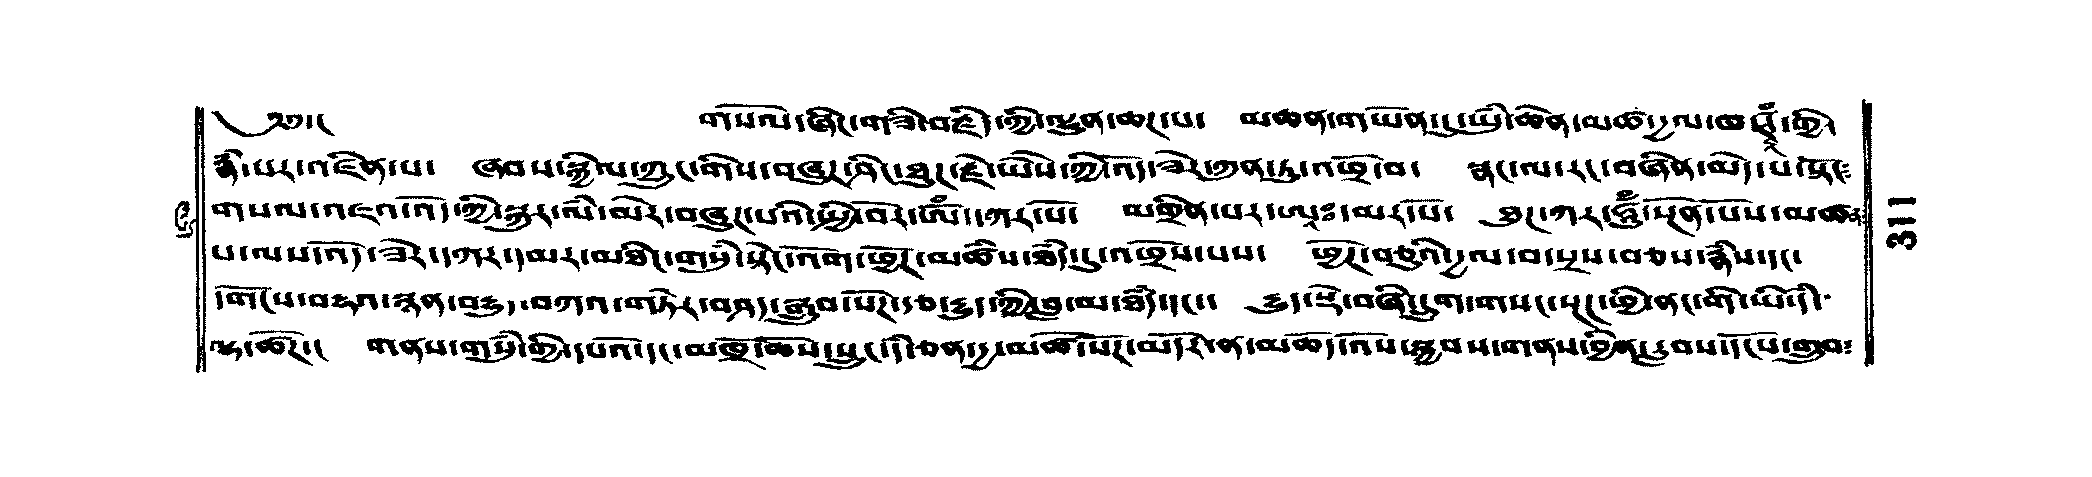གསོལ་ཞིང་གཟི་བརྗིད་ཀྱི་ལྷུན་ཆགས་པ། མཆན་གཡོན་དུ་ཡུམ་ཆེན་མཚོ་རྒྱལ་ཁ་ཊྭཾ་གྱི་
རྣམ་པར་འཛིན་པ། ཞབས་སྐྱིལ་ཀྲུང་གིས་བཞུགས་ཤིང་ཐུགས་རྗེ་ཡེ་ཤེས་ཀྱི་འོད་ཟེར་ཀུན་ཏུ་འཕྲོ་བ། སྣང་ལ་རང་བཞིན་མེད་པར་སྟོང་
གསལ་འཇའ་འོད་ཀྱི་སྐུར་ལམ་མེར་བཞུགས་པའི་སྤྱི་བོར་ཨོཾ་དཀར་པོ། མགྲིན་པ་ཨཱཿདམར་པོ། ཐུག་ཀར་ཧཱུྃ་སྔོན་པོས་མཚན་
པ་ལས་འོད་ཟེར་དཀར་དམར་མཐིང་གསུམ་སྟེང་འོག་ཕྱོགས་མཚམས་ཐམས་ཅད་དུ་འཕྲོས་པས་ཕྱོགས་བཅུའི་རྒྱལ་བ་སྲས་བཅས་རྣམས་དང། 
དགོངས་བརྡའ་སྙན་བརྒྱུད་བཀའ་གཏེར་བཤད་སྒྲུབ་སོགས་རྩ་རྒྱུད་ཀྱི་བླ་མ་ཐམས་ཅད་དང་། རྒྱུད་སྡེ་བཞི་དྲུག་གསང་སྔགས་ཕྱི་ནང་གི་ཡི་དམ་
ལྷ་ཚོགས། གནས་གསུམ་གྱི་དཔའ་བོ་དང་མཁའ་འགྲོ་ཆོས་སྲུང་དམ་ཅན་རྒྱ་མཚོ་སོགས་མདོར་ན་མཆོད་འོས་སྐྱབས་གནས་བྱིན་རླབས་དངོས་གྲུབ་